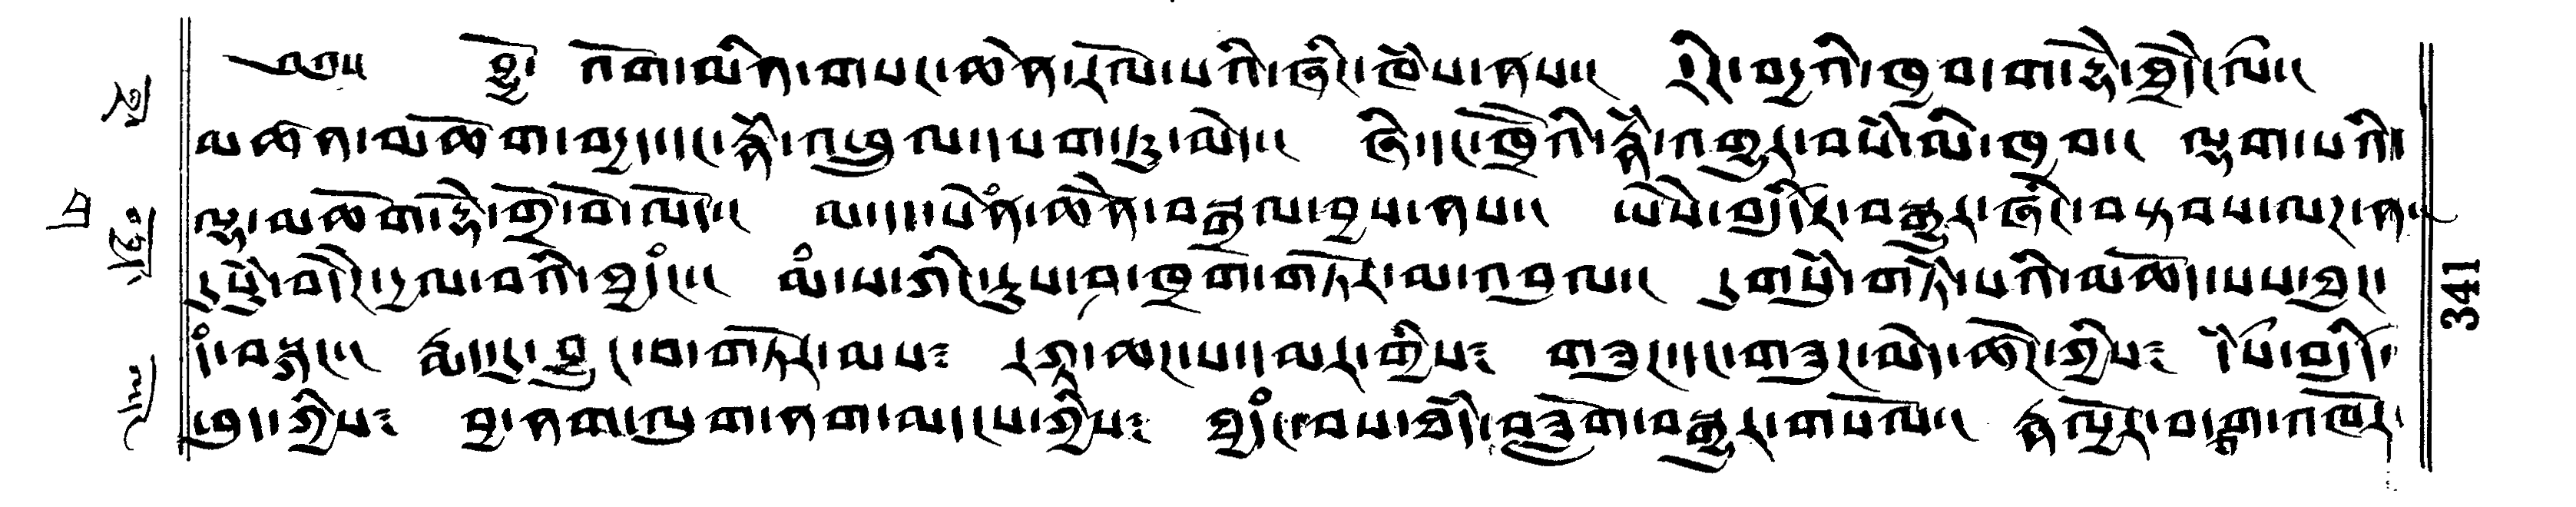བྷྱོ། འོག་མིན་གསང་ཆེན་རོལ་པའི་ཞིང་ཁམས་ནས། །རིགས་བརྒྱའི་ཁྱབ་བདག་རྡོ་རྗེ་ཐོད་ཕྲེང་རྩལ། །
མཚན་མཆོག་བརྒྱད་དང་རྣམ་འཕྲུལ་དཔག་ཏུ་མེད། །ཞི་དང་ཁྲོ་བོའི་རྣམ་འགྱུར་བསམ་མི་ཁྱབ། །ལྷག་པའི་
ལྷ་མཆོག་རྡོ་རྗེ་གྲོ་བོ་ལོད། །མ་དད་སེམས་ཅན་ཆེན་པོ་བསྒྲལ་བྱས་ནས། །ཡེ་ཤེས་བདུད་རྩིར་བསྒྱུར་ཞིང་བསྟོབ་ལགས་ན། །
དུས་གསུམ་བདེ་གཤེགས་རྒྱལ་བའི་ཐུགས་དམ་བསྐང་། །མཾ་ས་ཀེང་རུས་ཤ་ཁྲག་གཏོར་མ་འབུལ། །དུག་གསུམ་གཏམས་པའི་མཆོད་པས་ཐུགས་
དམ་བསྐང་། །རྨད་དུ་བྱུང་བ་གཏོར་མས༴རཀྟ་ཆགས་པ་དམར་གྱིས༴ གཟུགས་དང་གཟུགས་མེད་ཚོགས་ཀྱིས༴ དམ་རྫས་བདུད་རྩི་
ཕུད་ཀྱིས༴ བྱ་ནག་ལུག་ནག་མདངས་ཀྱིས༴ ཐུགས་དམ་བསྐང་བས་ཐམས་ཅད་བཟློག་བསྒྱུར་གསོལ། །རྣལ་འབྱོར་བདག་ཅག་འཁོར་